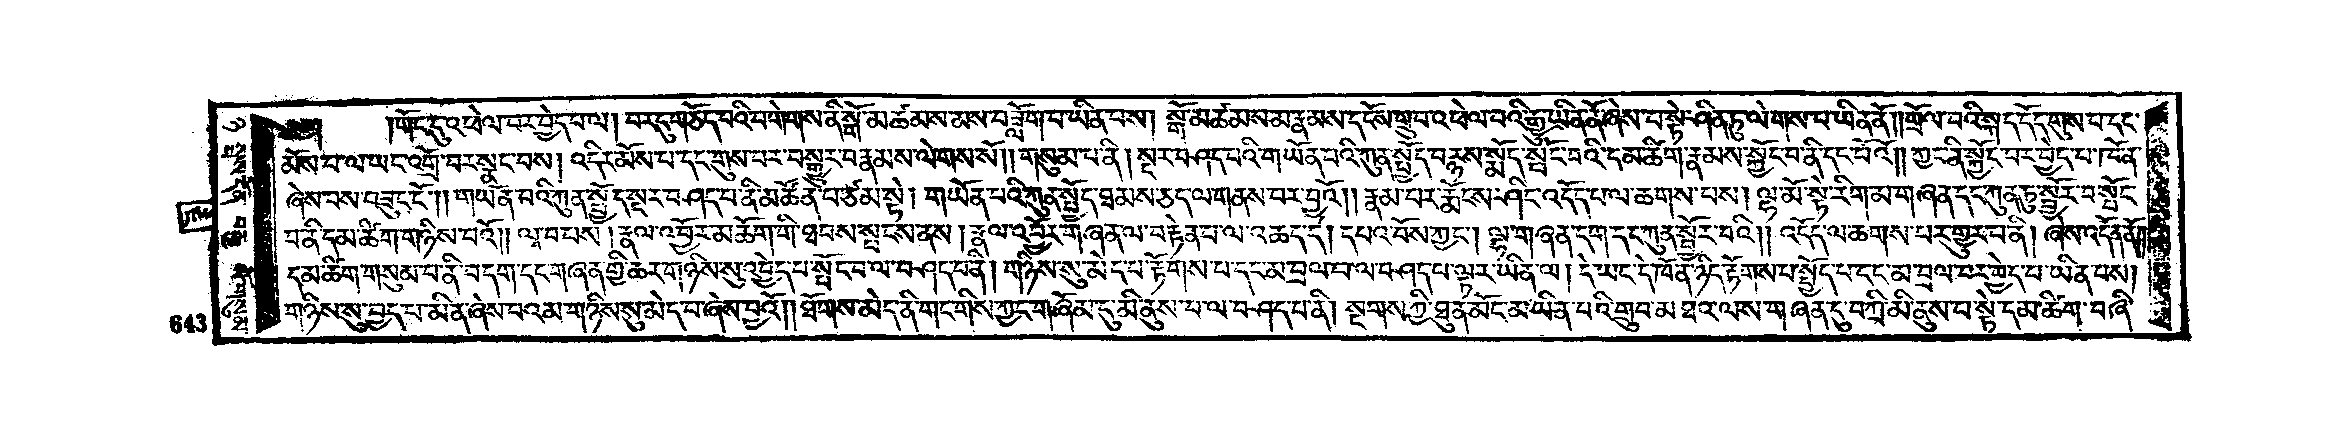༄༅། །གོང་དུ་འཕེལ་བར་བྱེད་པ་ལ། བར་དུ་གཅོད་པའི་བགེགས་ནི་སྒོ་མཚམས་མས་བཟློག་པ་ཡིན་པས། སྒོ་མཚམས་མ་རྣམས་དངོས་གྲུབ་འཕེལ་བའི་རྒྱུ་ཡིན་ནོ་ཞེས་པ་སྟེ་ཤིན་ཏུ་ལེགས་པ་ཡིན་ནོ། །གྲོལ་བའི་སྐད་དོད་གུས་པ་དང་
མོས་པ་ལ་ཡང་འགྲོ་བར་སྣང་བས། འདིར་མོས་པ་དང་གུས་པར་བསྒྱུར་བ་རྣམས་ལེགས་སོ། །གསུམ་པ་ནི། སྔར་བཤད་པའི་གཡོན་པའི་ཀུན་སྤྱོད་བརྙས་སྨོད་སྤོང་བའི་དམ་ཚིག་རྣམས་སྐྱོང་བ་ནི་དང་པོའོ། །ཀྱང་ནི་སྐྱོང་བར་བྱེད་པ་ཁོ་ན་
ཞེས་ངས་གཟུང་ངོ། །གཡོན་པའི་ཀུན་སྤྱོད་སྔར་བཤད་པ་ནི་མཚོན་པ་ཙམ་སྟེ། གཡོན་པའི་ཀུན་སྤྱོད་ཐམས་ཅད་ལ་གནས་པར་བྱའོ། །རྣམ་པར་རྨོངས་ཤིང་འདོད་པ་ལ་ཆགས་པས། ལྷ་མོ་སྟེ་རིག་མ་གཞན་དང་ཀུན་ཏུ་སྦྱོར་བ་སྤོང་
བ་ནི་དམ་ཚིག་གཉིས་པའོ། །ལྭ་བ་པས། རྣལ་འབྱོར་མཆོག་གི་ཐབས་སྤངས་ནས། རྣལ་འབྱོར་གཞན་ལ་བརྟེན་པ་ལ་འཆད་དེ། དཔའ་བོས་ཀྱང་། ལྷ་གཞན་དག་དང་ཀུན་སྦྱོར་བའི། །འདོད་ལ་ཆགས་པར་གྱུར་པ་ནི། ཞེས་འདོན་ནོ། །
དམ་ཚིག་གསུམ་པ་ནི་བདག་དང་གཞན་གྱི་ཆར་གཉིས་སུ་འབྱེད་པ་སྤོང་བ་ལ་བཤད་པ་ནི། གཉིས་སུ་མེད་པ་རྟོགས་པ་དང་མ་བྲལ་བ་ལ་བཤད་པ་ལྟར་ཡིན་ལ། དེ་ཡང་དེ་ཁོ་ན་ཉིད་རྟོགས་པ་སྤྱོད་པ་དང་མ་བྲལ་བར་བྱེད་པ་ཡིན་པས།
གཉིས་སུ་བྱེད་པ་མིན་ཞེས་པའམ་གཉིས་སུ་མེད་པ་ཞེས་བྱའོ། །ཐོགས་མེད་ནི་གང་གིས་ཀྱང་གཞོམ་དུ་མི་ནུས་པ་ལ་བཤད་པ་ནི། སྔགས་ཀྱི་ཐུན་མོང་མ་ཡིན་པའི་གྲུབ་མཐའ་ལས་གཞན་དུ་བཀྲི་མི་ནུས་པ་སྟེ་དམ་ཚིག་བཞི་